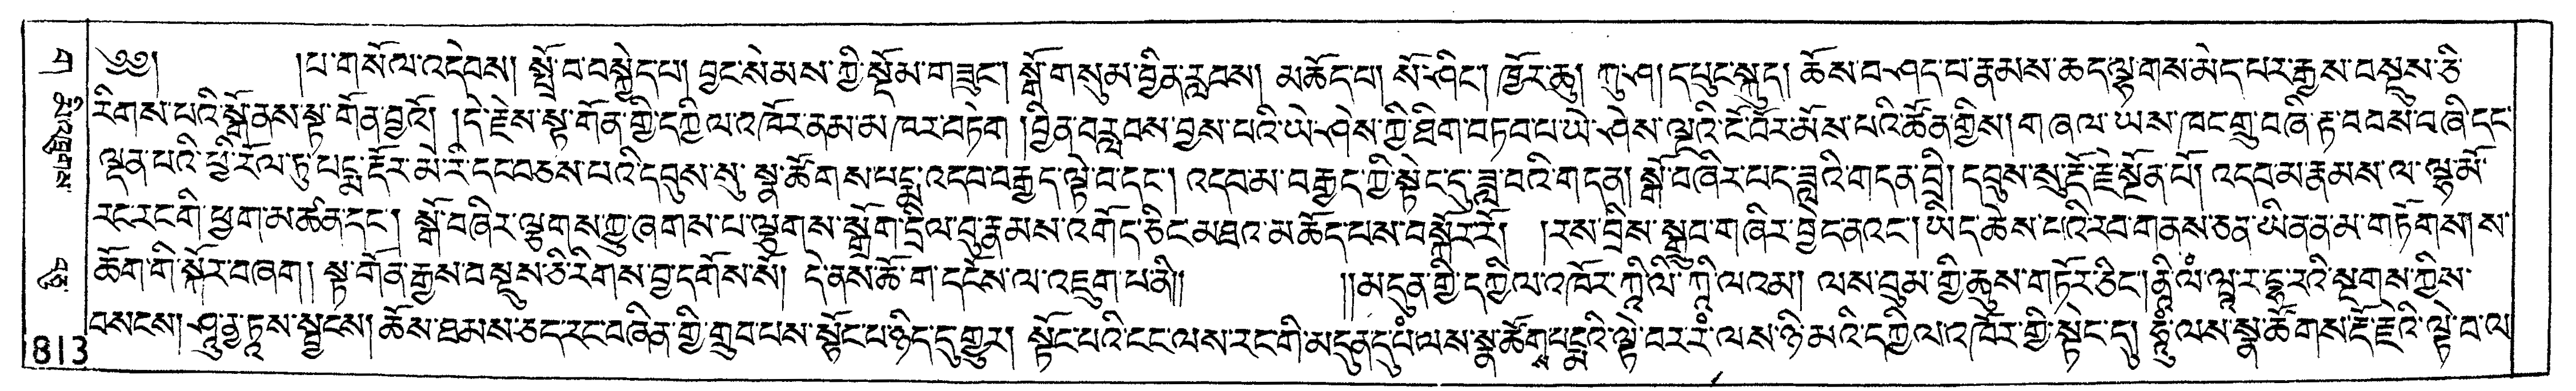༄༅། །པ་གསོལ་འདེབས། སྤྲོ་བ་བསྐྱེད་པ། བྱང་སེམས་ཀྱི་སྡོམ་གཟུང་། སྒོ་གསུམ་བྱིན་རླབས། མཆོད་པ། སོ་ཤིང་། ཁྱོར་ཆུ། ཀུ་ཤ། དཔུང་སྐུད། ཆོས་བཤད་པ་རྣམས་ཆད་ལྷགས་མེད་པར་རྒྱས་བསྡུས་ཅི་
རིགས་པའི་སྒོ་ནས་སྟ་གོན་བྱའོ། །དེ་རྗེས་སྟ་གོན་གྱི་དཀྱིལ་འཁོར་ནམ་མཁར་བཏེག །བྱིན་བརླབས་བྱས་པའི་ཡེ་ཤེས་ཀྱི་ཐིག་བཏབ་པ་ཡེ་ཤེས་ལྔའི་ངོ་བོར་མོས་པའི་ཚོན་གྱིས། གཞལ་ཡས་ཁང་གྲུ་བཞི་རྟ་བབས་བཞི་དང་
ལྡན་པའི་ཕྱི་རོལ་ཏུ་པདམ་རྡོར་མེ་རི་དང་བཅས་པའི་དབུས་སུ་སྣ་ཚོགས་པདམ་འདབ་བརྒྱད་ལྟེ་བ་དང་། འདབ་མ་བརྒྱད་ཀྱི་སྟེང་དུ་ཟླ་བའི་གདན། སྒོ་བཞིར་པད་ཟླའི་གདན་བྲི། དབུས་སུ་རྡོ་རྗེ་སྔོན་པོ། འདབ་མ་རྣམས་ལ་ལྷ་མོ་
རང་རང་གི་ཕྱག་མཚན་དང་། སྒོ་བཞིར་ལྕགས་ཀྱུ་ཞགས་པ་ལྕགས་སྒྲོག་དྲིལ་བུ་རྣམས་འགོད་ཅིང་མཐའ་མཆོད་པས་བསྐོར་རོ། །རས་བྲིས་སྒྲུབ་གཞིར་བྱེད་ནའང་། ཡིད་ཆེས་པའི་རབ་གནས་ཅན་ཡིན་ན་མ་གཏོགས། ས་
ཆོག་གི་སྐོར་བཞག །སྟ་གོན་རྒྱས་བསྡུས་ཅི་རིགས་བྱ་དགོས་སོ། །དེ་ནས་ཆོ་ག་དངོས་ལ་འཇུག་པ་ནི།། །།མདུན་གྱི་དཀྱིལ་འཁོར་ཀཱི་ལི་ཀཱི་ལའམ། ལས་བུམ་གྱི་ཆུས་གཏོར་ཅིང་། ནཱི་ལཾ་ཝཱ་ར་དྷ་རའི་སྔགས་ཀྱིས་
བསངས། ཤཱུ་ནཡ་ཏཱས་སྦྱངས། ཆོས་ཐམས་ཅད་རང་བཞིན་གྱི་གྲུབ་པས་སྟོང་པ་ཉིད་དུ་གྱུར། སྟོང་པའི་ངང་ལས་རང་གི་མདུན་དུ་པཾ་ལས་སྣ་ཚོགས་པདམའི་ལྟེ་བར་རཾ་ལས་ཉི་མའི་དཀྱིལ་འཁོར་གྱི་སྟེང་དུ། ཧཱུཾ་ལས་སྣ་ཚོགས་རྡོ་རྗེའི་ལྟེ་བ་ལ་